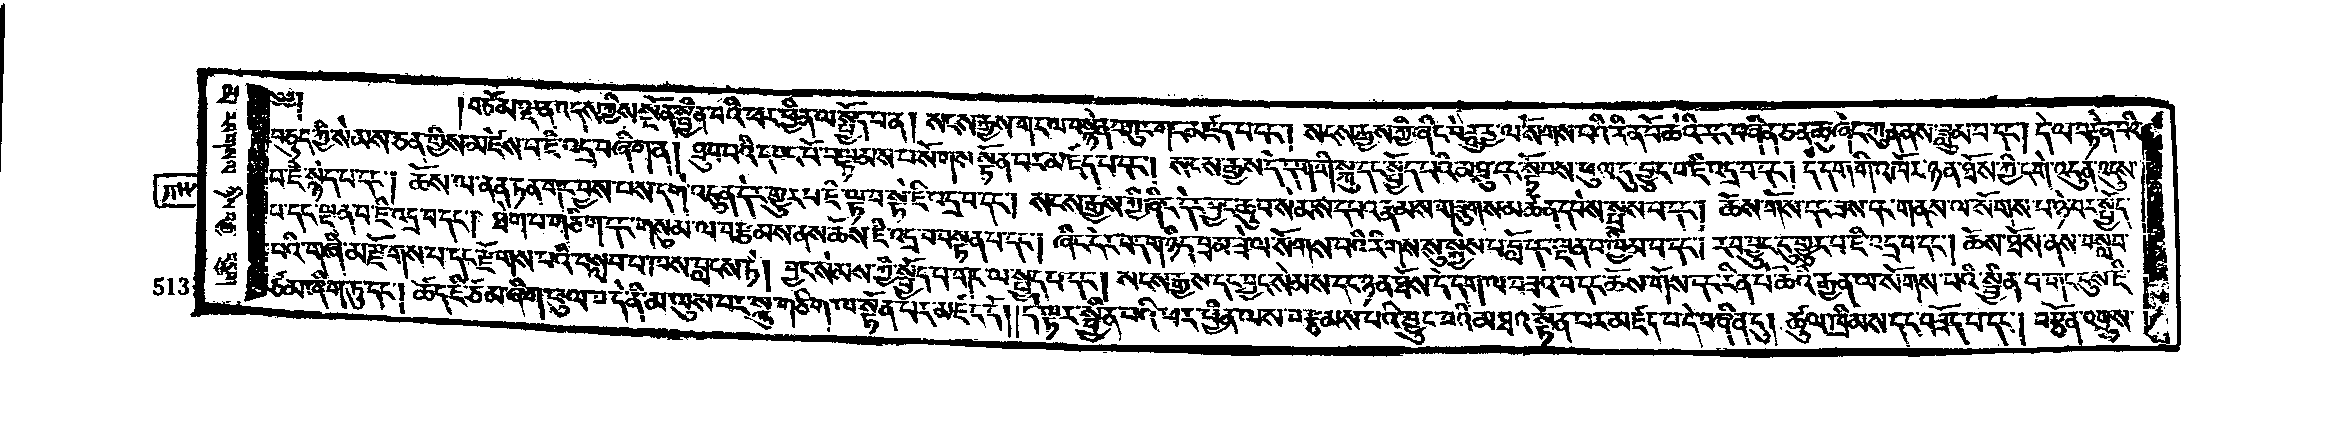༄༅། །བཅོམ་ལྡན་འདས་ཀྱིས་སྔོན་སྦྱིན་པའི་ཕར་ཕྱིན་ལ་སྤྱོད་པ་ན། སངས་རྒྱས་གང་ལ་བསྙེན་བཀུར་གང་མཛད་པ་དང་། སངས་རྒྱས་ཀྱི་ཞིང་བཻཌཱུ་རྱ་ལ་སོགས་པའི་རིན་པོ་ཆེའི་རང་བཞིན་ཅན་ཆུ་ཞེང་ཀུན་ནས་ཟླུམ་པ་དང་། དེ་ལ་བརྟེན་པའི་
བཅུད་ཀྱི་སེམས་ཅན་གྱིས་མཛེས་པ་ཇི་འདྲ་བ་ཞིག་ན། ཐུབ་པའི་དབང་པོ་བལྟམས་པ་སོགས་སྟོན་པར་མཛད་པ་དང་། སངས་རྒྱས་དེ་དག་གི་སྐུ་དང་སྤྱོད་པའི་མཐུ་དང་སྟོབས་ཕུལ་དུ་བྱུང་བ་ཇི་འདྲ་བ་དང་། དེ་དག་གི་འཁོར་ཉན་ཐོས་ཀྱི་དགེ་འདུན་འདུས་
པ་ཇི་སྙེད་པ་དང་། ཆོས་ལ་ནན་ཏན་གང་བྱས་པས་དགེ་འདུན་དེར་གྱུར་པ་ཇི་ལྟ་བ་སྟེ་ཇི་འདྲ་བ་དང་། སངས་རྒྱས་ཀྱི་ཞིང་དེར་བྱང་ཆུབ་སེམས་དཔའ་རྣམས་གཟུགས་མཚན་དཔེས་སྤྲས་པ་དང་། ཆོས་གོས་དང་ཟས་དང་གནས་ལ་སོགས་པ་ཉེ་བར་སྤྱོད་
པ་དང་ལྡན་པ་ཇི་འདྲ་བ་དང་། ཐེག་པ་གཅིག་དང་གསུམ་ལ་བརྩམས་ནས་ཆོས་ཇི་འདྲ་བ་བསྟན་པ་དང་། ཞིང་དེར་བདག་ཉིད་བྲམ་ཟེ་ལ་སོགས་པའི་རིགས་སུ་སྐྱེས་པ་བློ་དང་ལྡན་པ་ཁྱིམ་པ་དང་། རབ་བྱུང་དུ་གྱུར་པ་ཇི་འདྲ་བ་དང་། ཆོས་ཐོས་ནས་བསླབ་
པའི་གཞི་མ་རྫོགས་པ་དང་རྫོགས་པའི་བསླབ་པ་ཁས་བླངས་ཏེ། བྱང་སེམས་ཀྱི་སྤྱོད་པ་གང་ལ་སྤྱད་པ་དང་། སངས་རྒྱས་དང་བྱང་སེམས་དང་ཉན་ཐོས་དེ་དག་ལ་བཟའ་བ་དང་ཆོས་གོས་དང་རིན་པོ་ཆེའི་རྒྱན་ལ་སོགས་པའི་སྦྱིན་པ་གང་དུས་ཇི་
ཙམ་ཞིག་ཏུ་དང་། ཚད་ཇི་ཙམ་ཞིག་ཕུལ་བ་དེ་ནི་མ་ལུས་པར་སྐུ་གཅིག་ལ་སྟོན་པར་མཛད་དོ། །དེ་ལྟར་སྦྱིན་པའི་ཕར་ཕྱིན་ལས་བརྩམས་པའི་བྱུང་བའི་མཐའ་སྟོན་པར་མཛད་པ་དེ་བཞིན་དུ། ཚུལ་ཁྲིམས་དང་བཟོད་པ་དང་། བརྩོན་འགྲུས་